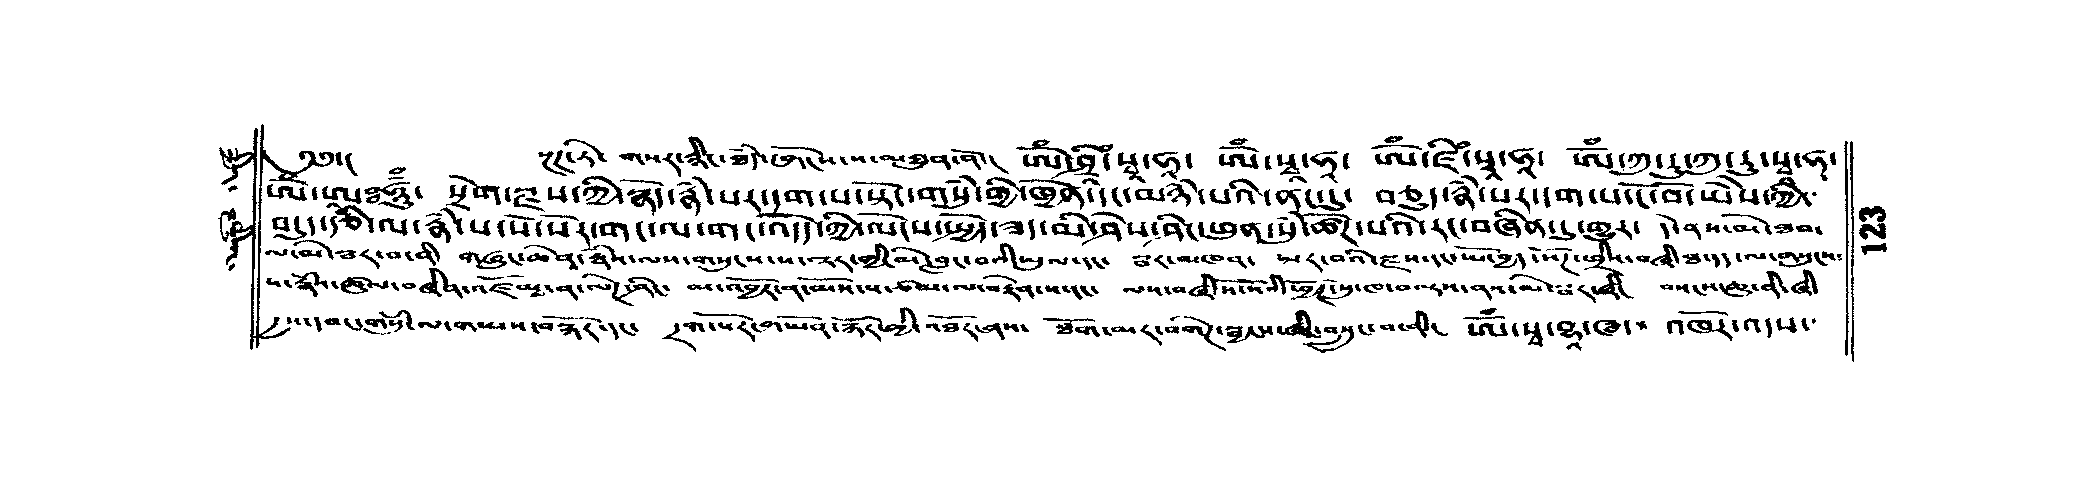སྔགས་ཏེ། གསར་རྙིང་ཐམས་ཅད་དགོངས་པ་མཐུན་ནོ། ཨོཾ་ཤྲཱིཾ་སྭཱ་ཧཱ། ཨོཾ་སྭཱ་ཧཱ། ཨོཾ་ཛིཾ་སྭཱ་ཧཱ། ཨོཾ་ཀུ་རུ་ཀུ་རུ་སྭཱ་ཧཱ། 
ཨོཾ་ཨཱཿཧཱུ། སྲེག་རྫས་ཀྱི་སྣོད་རྣམ་པར་དག་པ་སྟོང་གསུམ་གྱི་ཁྱོན་དང་མཉམ་པའི་ནང་དུ། བཅུད་རྣམ་པར་དག་པ་ངོ་བོ་ཡེ་ཤེས་ཀྱི་
བདུད་རྩི་ལ་རྣམ་པ་སོ་སོ་གང་ལ་གང་འདོད་ཀྱི་ལོངས་སྤྱོད་ཟད་མི་ཤེས་ཤིང་ཕུན་སུམ་ཚོགས་པའི་རང་བཞིན་དུ་འགྱུར།དེ་ནས་མེ་ཐབ་
ལ་མེ་སྦར་བ་ནི། གཞུང་ཆེན་རྣམས་ལས་གསུངས་པ་ལྟར་གྱི་མེ་བླང་བའི་ཡུལ་དང་། སྦར་མཁན། སྤར་བའི་རྫས་དང་ཡོ་བྱད་སོགས་ཕྲིན་ལས་ཐ་དད་ལ་གསུངས་
པ་རྣམས་ཚུལ་བཞིན་འཛོམས་ན་ལེགས་ཤིང་། མ་འབྱོར་ན་མོས་པ་ཙམ་ལ་བརྟེན་པ་དང་། ལས་བཞི་སོ་སོའི་ཕྱོགས་སུ་ཁ་བལྟས་ནས་མེ་སྦར་ཞིང་། བསངས་ཆུ་ནི་ཞི་
རྒྱས་དབང་གསུམ་ལ་གཡས་བསྐོར་དང་། དྲག་པོར་གཡོན་སྐོར་གྱི་འཐོར་ནས། ཐོག་མར་བགེགས་སྦྱངས་ཞིང་བསྲུང་བ་ནི། ཨོྃ་སྭཱ་བྷཱ་ཝ་༴ འཁོར་འདས་ཀྱི་